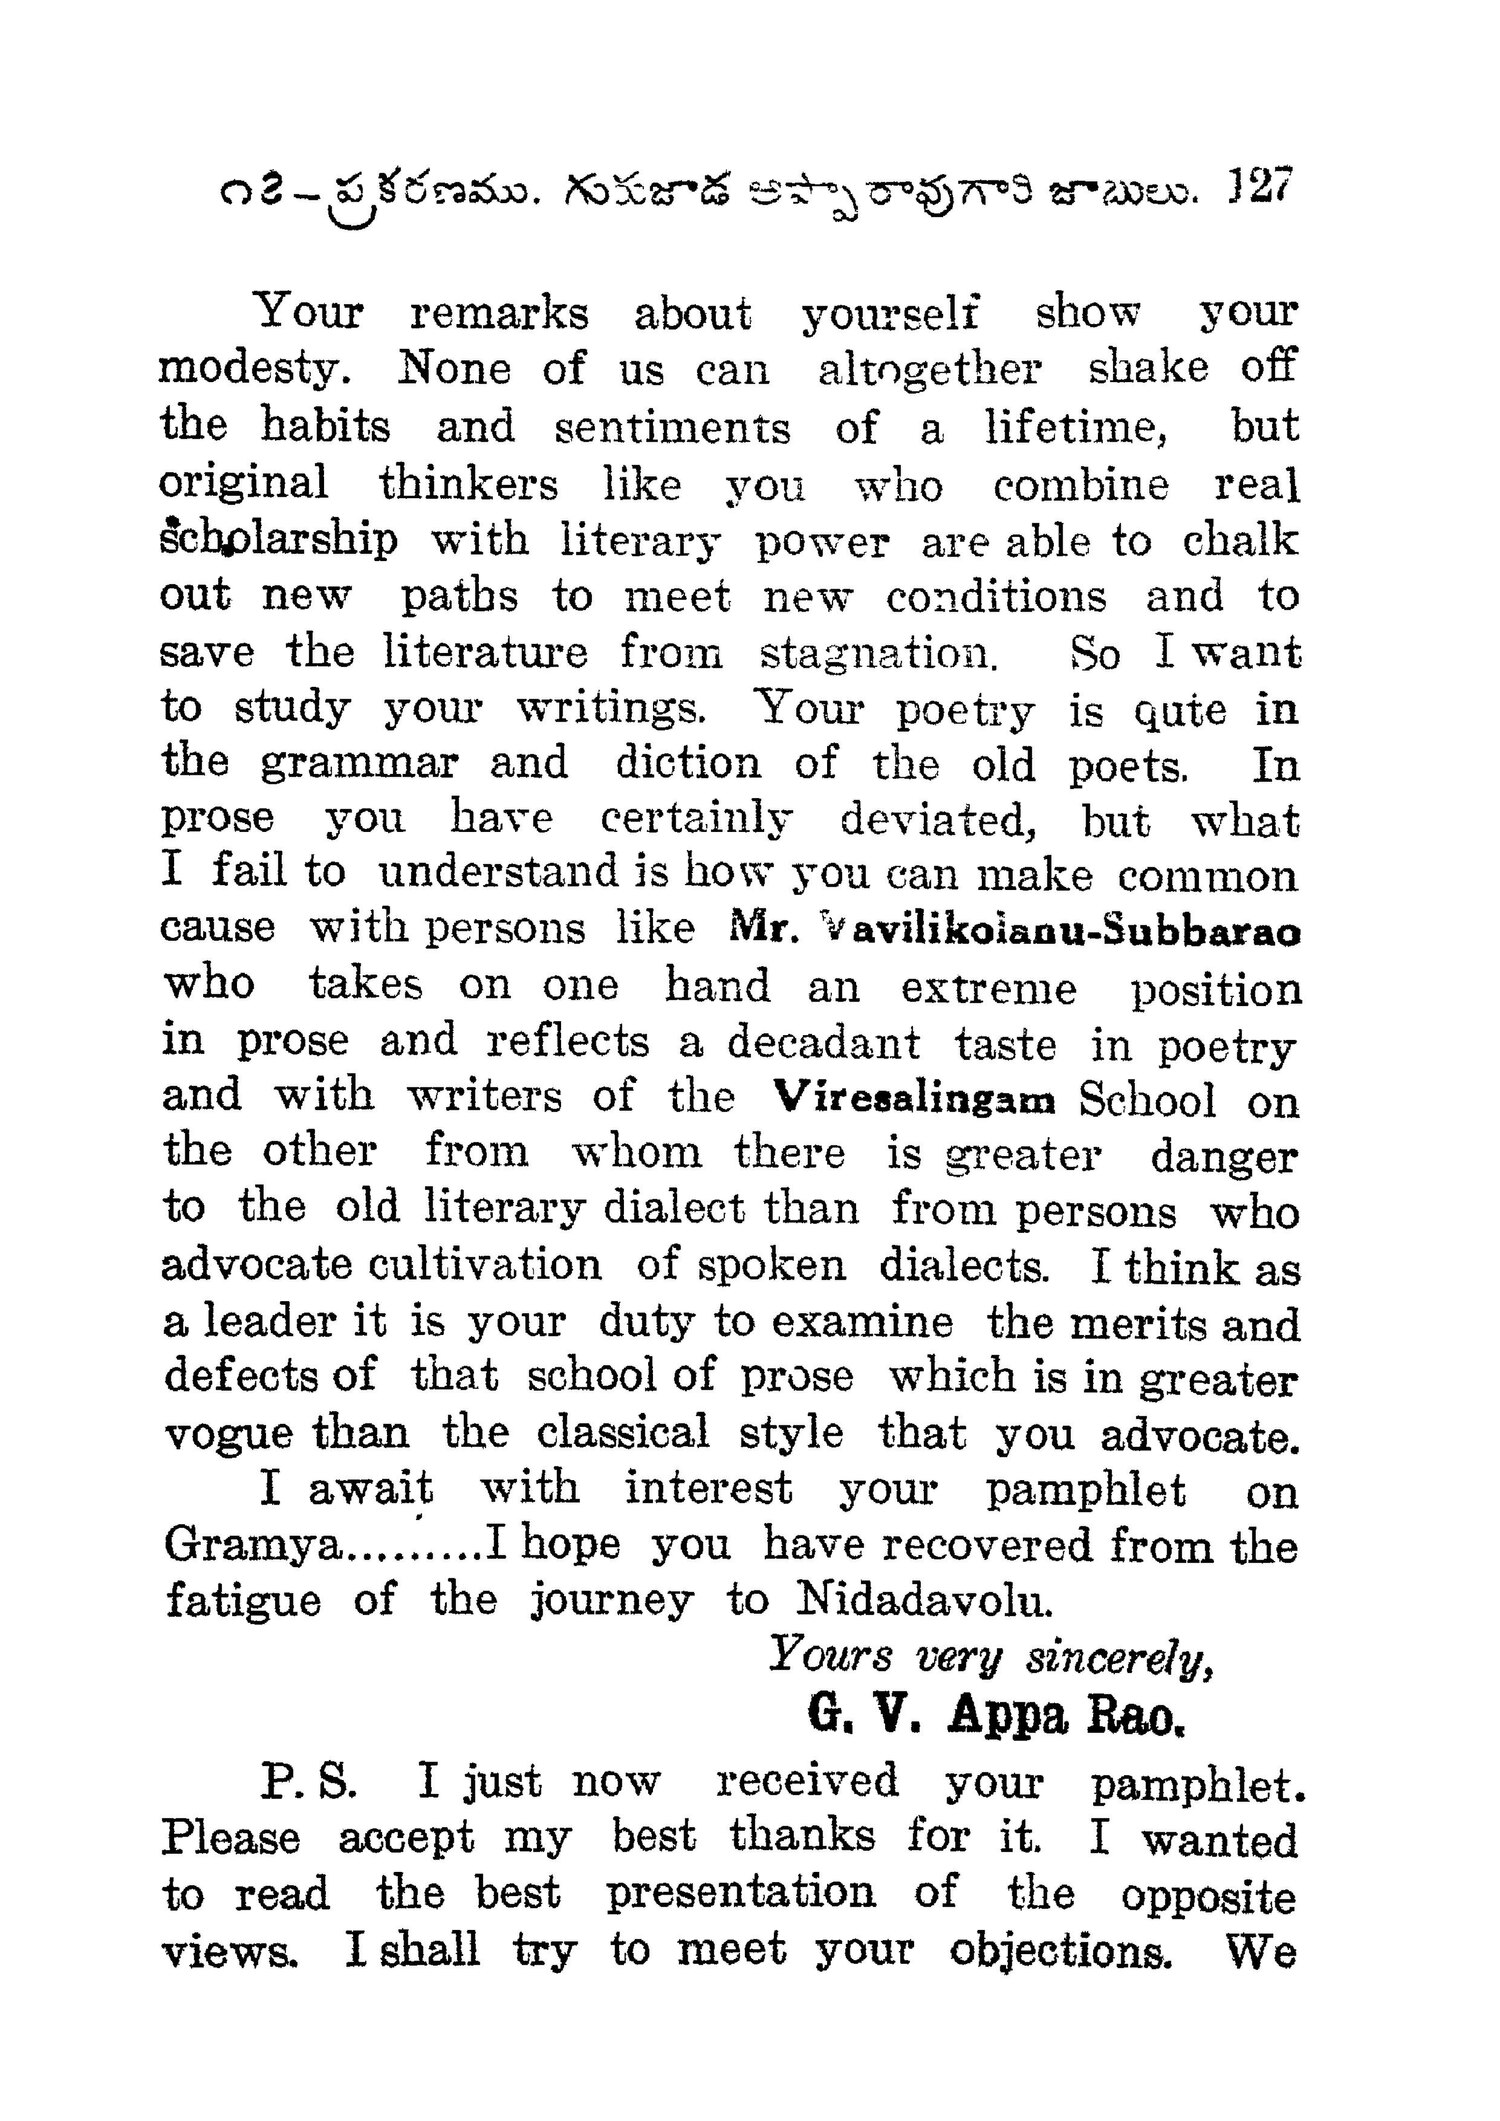Your remarks about yourself show your modesty. None of us can altogether shake off the habits and sentiments of a lifetime, but original thinkers like you who combine real scholarship with literary power are able to chalk out new paths to meet new conditions and to save the literature from stagnation. So I want to study your writings. Your poetry is qute in the grammar and diction of the old ports. In prose you have certainly deviated, but what I fail to understand is how you can make common cause with persons like Mr. Vavilikolanu- Subbarao who takes on one hand an extreme position in prose and reflects a decadant taste in poetry and with writers of the Viresalingam School on the other from whom there is greater danger to the old literary dialect than from persons who advocate cultivation of spoken dialects. I think as a leader it is your duty to examine the merits and defects of that school of prose which is in greater vogue than the classical style that you advocate.

I await with interest your pamphelt on Gramya...... I hope you have recovered from the fatigue of the journey to Nidadavolu.
yours very sincerely,
 G. V. Appa Rao.

P. S. I just now received your pamphlet. Please accept my best thanks for it. I wanted to read the best presentation of the opposite views. I shall try to meet your objections. We